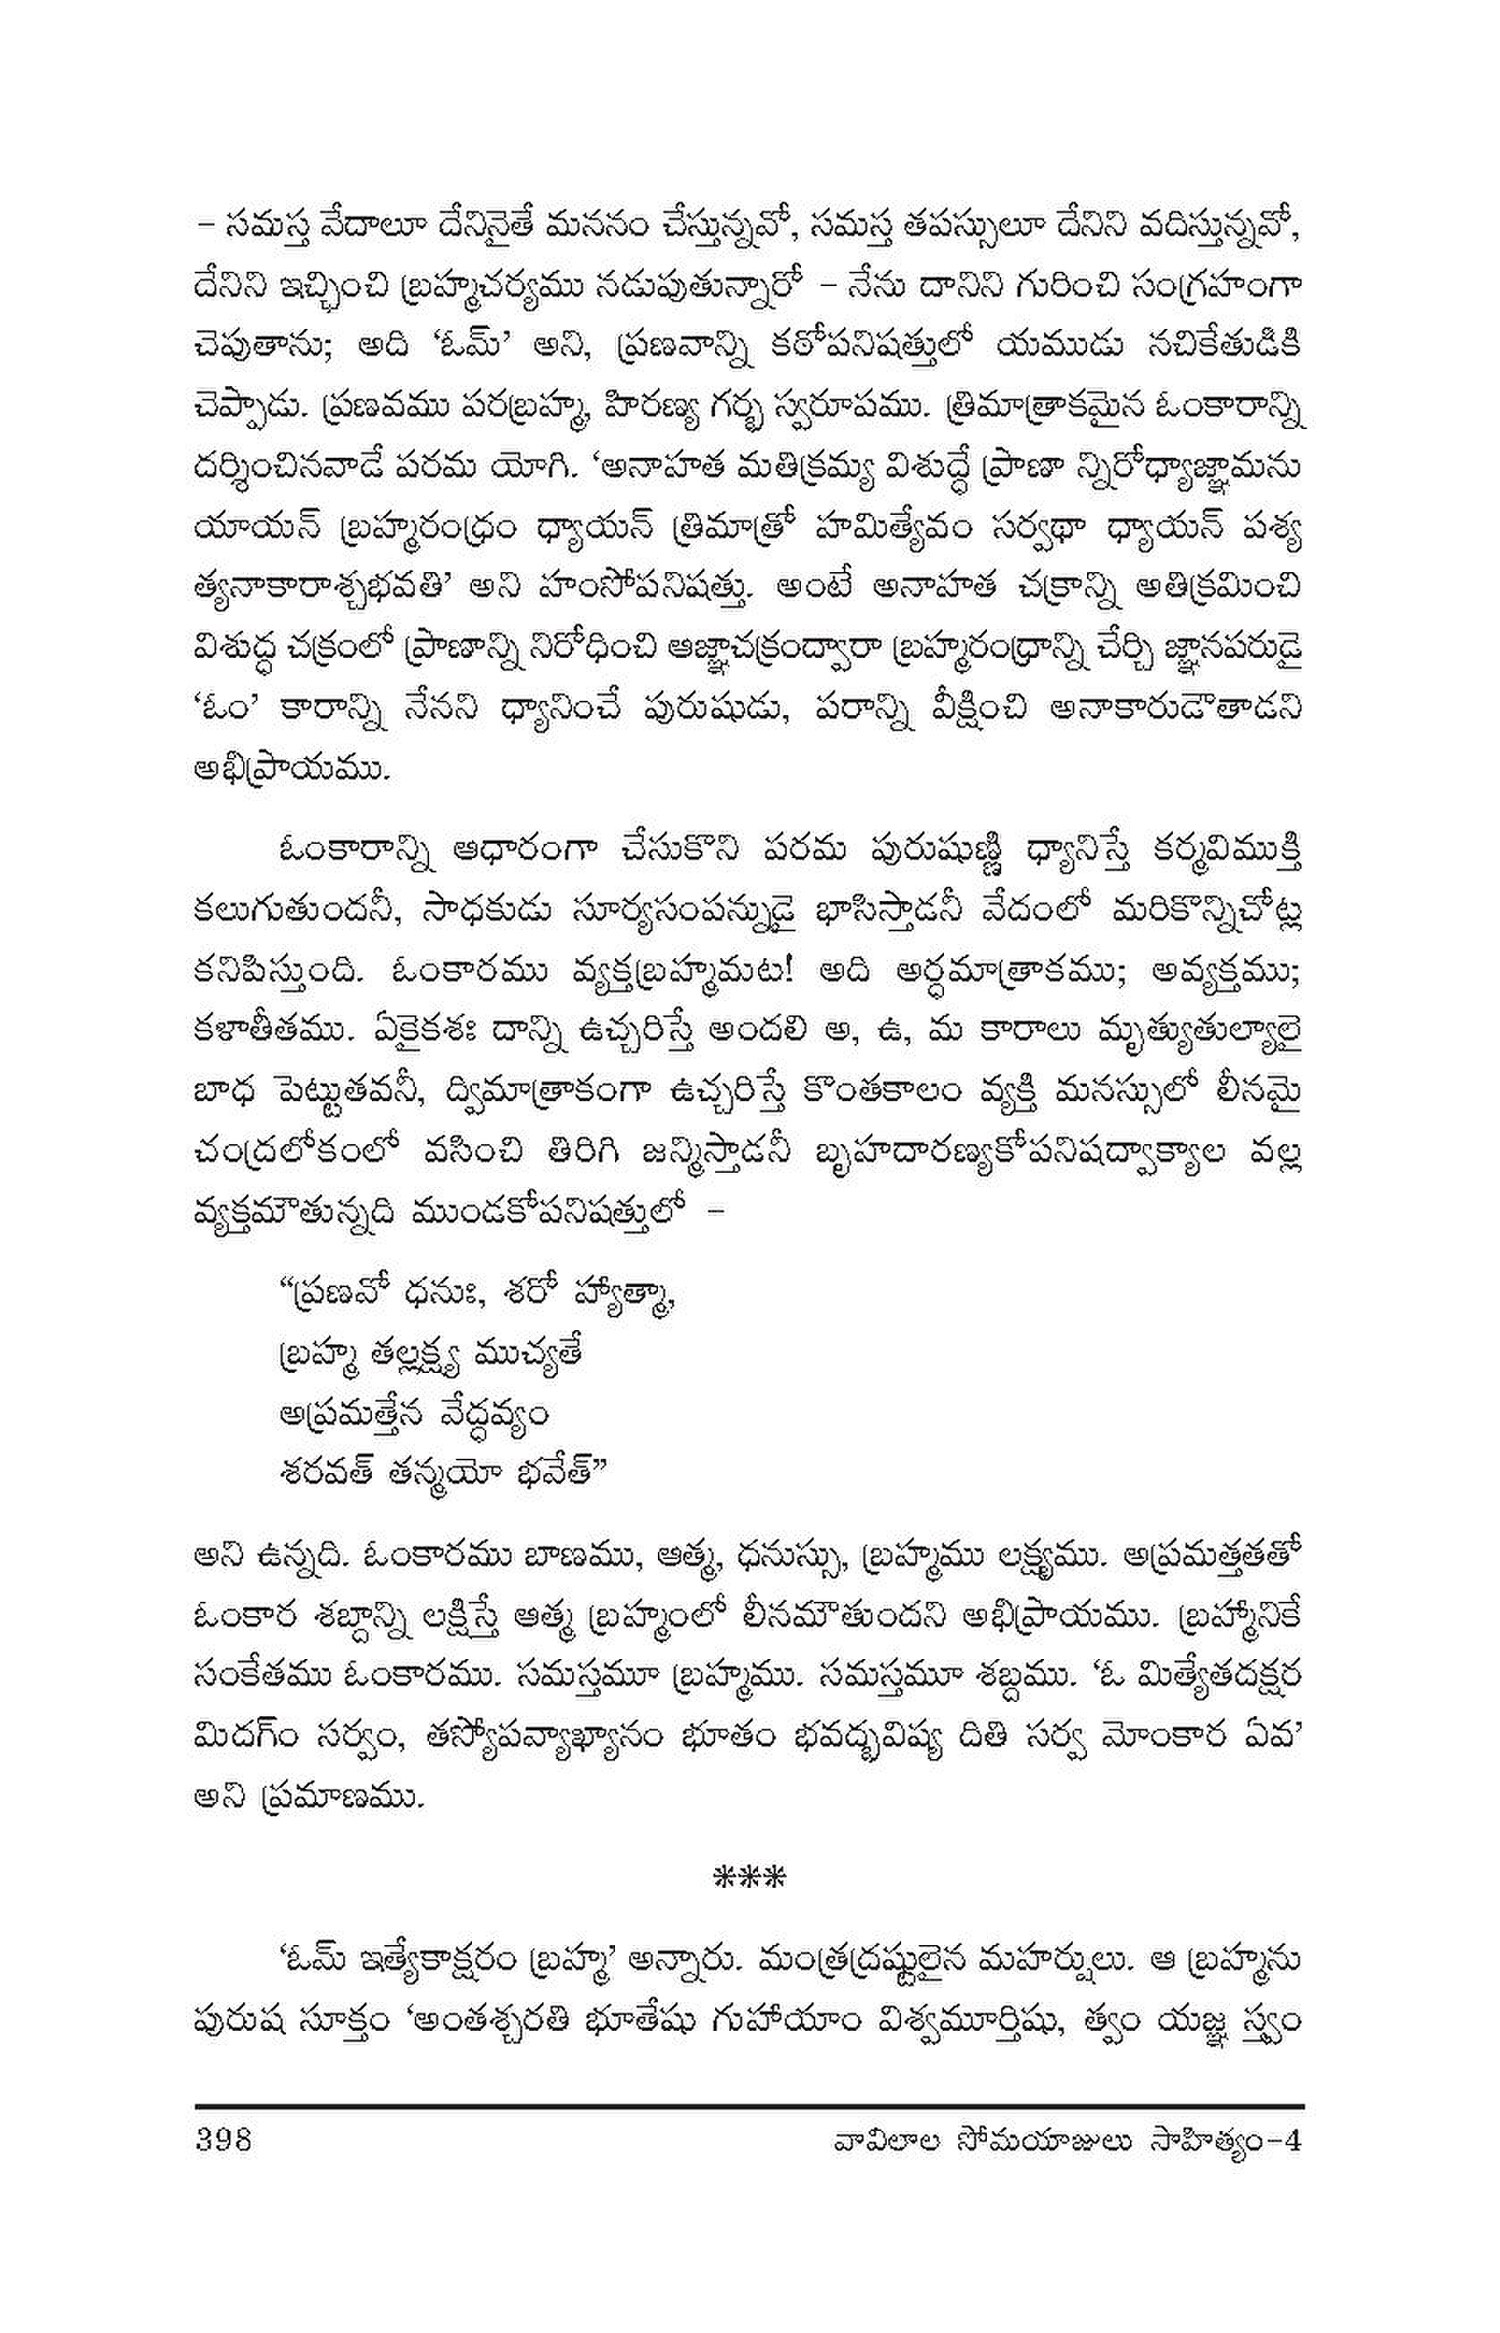- సమస్త వేదాలూ దేనినైతే మననం చేస్తున్నవో, సమస్త తపస్సులూ దేనిని వదిస్తున్నవో,
దేనిని ఇచ్చించి బ్రహ్మచర్యము నడుపుతున్నారో - నేను దానిని గురించి సంగ్రహంగా
చెపుతాను; అది 'ఓమ్' అని, ప్రణవాన్ని కఠోపనిషత్తులో యముడు నచికేతుడికి
చెప్పాడు. ప్రణవము పరబ్రహ్మ, హిరణ్య గర్భ స్వరూపము. త్రిమాత్రాకమైన ఓంకారాన్ని
దర్శించినవాడే పరమ యోగి. 'అనాహత మతిక్రమ్య విశుద్ధ ప్రాణా న్నిరోధ్యాజ్ఞామను
యాయన్ బ్రహ్మరంధ్రం ధ్యాయన్ త్రిమాత్రో హమిత్యేవం సర్వథా ధ్యాయన్ పశ్య
త్యనాకారాశ్చభవతి' అని హంసోపనిషత్తు. అంటే అనాహత చక్రాన్ని అతిక్రమించి
విశుద్ధ చక్రంలో ప్రాణాన్ని నిరోధించి ఆజ్ఞాచక్రంద్వారా బ్రహ్మరంధ్రాన్ని చేర్చి జ్ఞానపరుడై
'ఓం' కారాన్ని నేనని ధ్యానించే పురుషుడు, పరాన్ని వీక్షించి అనాకారుడౌతాడని
అభిప్రాయము.

ఓంకారాన్ని ఆధారంగా చేసుకొని పరమ పురుషుణ్ణి ధ్యానిస్తే కర్మవిముక్తి
కలుగుతుందనీ, సాధకుడు సూర్యసంపన్నుడై భాసిస్తాడనీ వేదంలో మరికొన్నిచోట్ల
కనిపిస్తుంది. ఓంకారము వ్యక్తబ్రహ్మమట! అది అర్ధమాత్రాకము; అవ్యక్తము;
కళాతీతము. ఏకైకశః దాన్ని ఉచ్చరిస్తే అందలి అ, ఉ, మ కారాలు మృత్యుతుల్యాలై
బాధ పెట్టుతవనీ, ద్విమాత్రాకంగా ఉచ్చరిస్తే కొంతకాలం వ్యక్తి మనస్సులో లీనమై
చంద్రలోకంలో వసించి తిరిగి జన్మిస్తాడనీ బృహదారణ్యకోపనిషద్వాక్యాల వల్ల
వ్యక్తమౌతున్నది ముండకోపనిషత్తులో

"ప్రణవో ధనుః, శరో హ్యాత్మా,
బ్రహ్మ తల్లక్ష్య ముచ్యతే
అప్రమత్తేన వేదవ్యం
శరవత్ తన్మయో భవేత్”

అని ఉన్నది. ఓంకారము బాణము, ఆత్మ, ధనుస్సు, బ్రహ్మము లక్ష్యము. అప్రమత్తతతో
ఓంకార శబ్దాన్ని లక్షిస్తే ఆత్మ బ్రహ్మంలో లీనమౌతుందని అభిప్రాయము. బ్రహ్మానికే
సంకేతము ఓంకారము. సమస్తమూ బ్రహ్మము. సమస్తమూ శబ్దము. 'ఓ మిత్యేతదక్షర
మిదగ్ం సర్వం, తస్యోపన్యాఖ్యానం భూతం భవద్భవిష్య దితి సర్వ మోంకార ఏవ'
అని ప్రమాణము.

'ఓమ్ ఇత్యేకాక్షరం బ్రహ్మ' అన్నారు. మంత్రద్రష్టులైన మహర్షులు. ఆ బ్రహ్మను
పురుష సూక్తం 'అంతశ్చరతి భూతేషు గుహాయాం విశ్వమూర్తిషు, త్వం యజ్ఞ స్వం